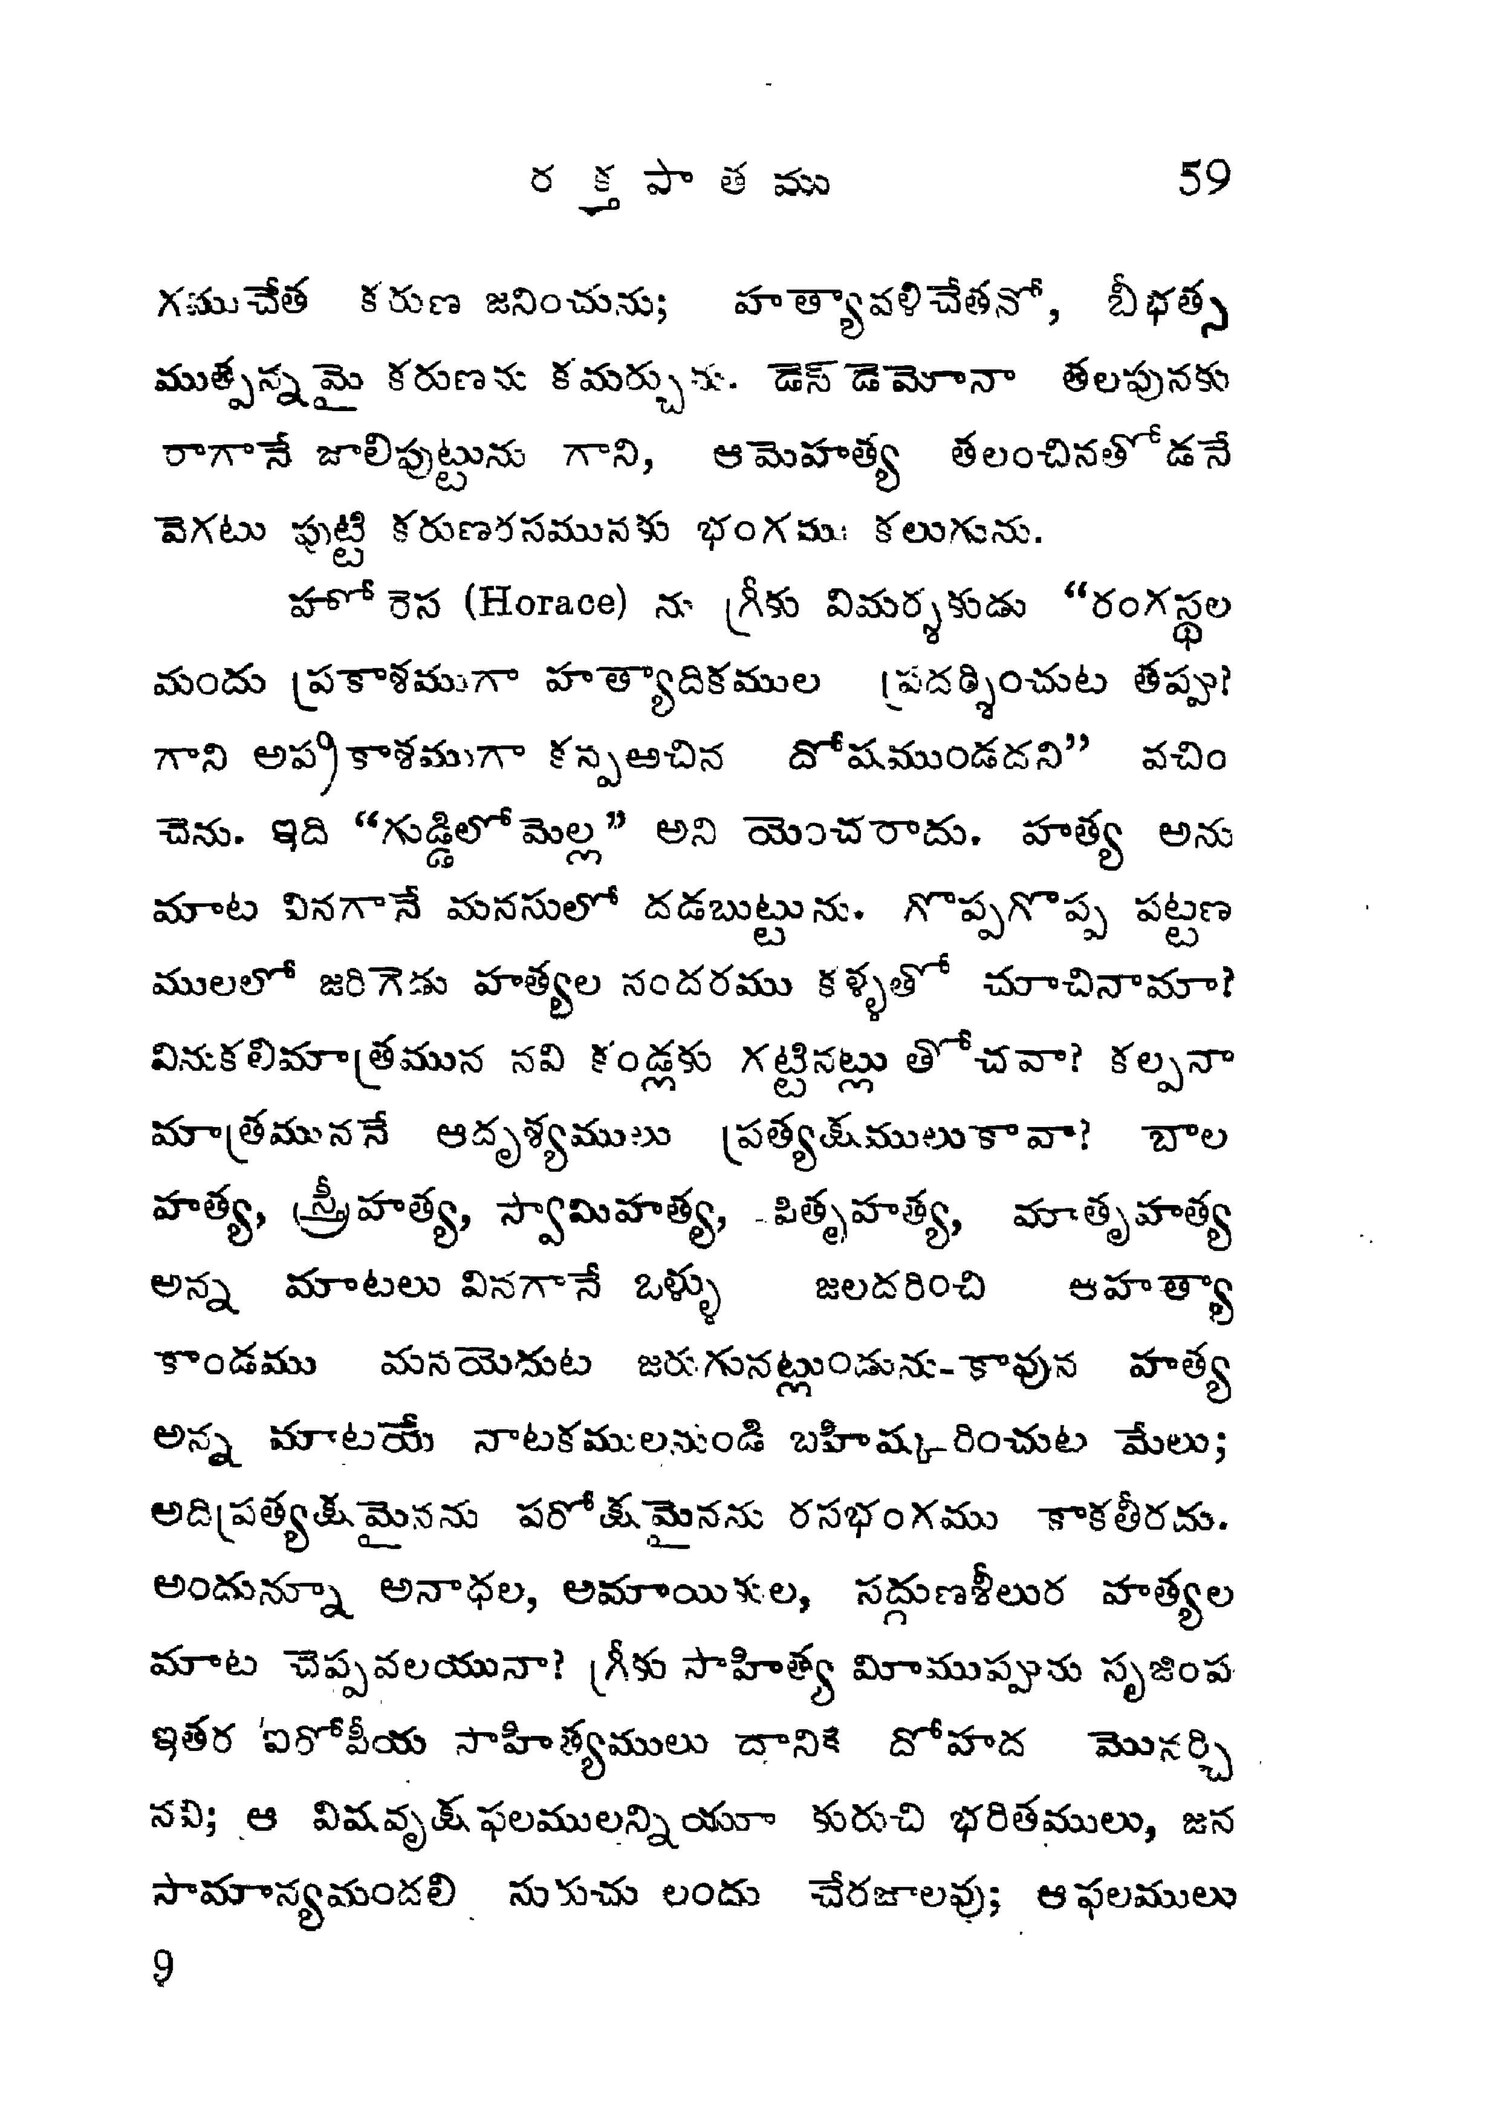గముచేత కరుణ జనించును; హత్యావళిచేతనో, బీభత్స ముత్పన్నమై కరుణను కమర్చును. డెస్‌డెమోనా తలపునకు రాగానే జాలిపుట్టును గాని, ఆమెహత్య తలంచినతోడనే వెగటు పుట్టి కరుణరసమునకు భంగము కలుగును.

హోరెస (Horace)ను గ్రీకు విమర్శకుడు "రంగస్థల మందు ప్రకాశముగా హత్యాదికముల ప్రదర్శించుట తప్పు? గాని అప్రకాశముగా కన్పఱచిన దోషముండదని" వచించెను. ఇది "గుడ్డిలోమెల్ల" అని యెంచరాదు. హత్య అనుమాట వినగానే మనసులో దడబుట్టును. గొప్పగొప్ప పట్టణములలో జరిగెడు హత్యల నందరము కళ్ళతో చూచినామా? వినుకలిమాత్రమున నవి కండ్లకు గట్టినట్లు తోచవా? కల్పనా మాత్రముననే ఆదృశ్యములు ప్రత్యక్షములుకావా? బాలహత్య, స్త్రీహత్య, స్వామిహత్య, పితృహత్య, మాతృహత్య అన్న మాటలు వినగానే ఒళ్ళు జలదరించి ఆహత్యా కాండము మనయెదుట జరుగునట్లుండును. కావున హత్య అన్న మాటయే నాటకములనుండి బహిష్కరించుట మేలు; అదిప్రత్యక్షమైనను పరోక్షమైనను రసభంగము కాకతీరదు. అందున్నూ అనాధల, అమాయికుల, సద్గుణశీలుర హత్యల మాట చెప్పవలయునా? గ్రీకు సాహిత్య మీముప్పును సృజింప ఇతర ఐరోపీయ సాహిత్యములు దానికి దోహద మొనర్చినవి; ఆ విషవృక్షఫలములన్నియూ కురుచి భరితములు, జన సామాన్యమందలి సురుచు లందు చేరజాలవు; ఆఫలములు